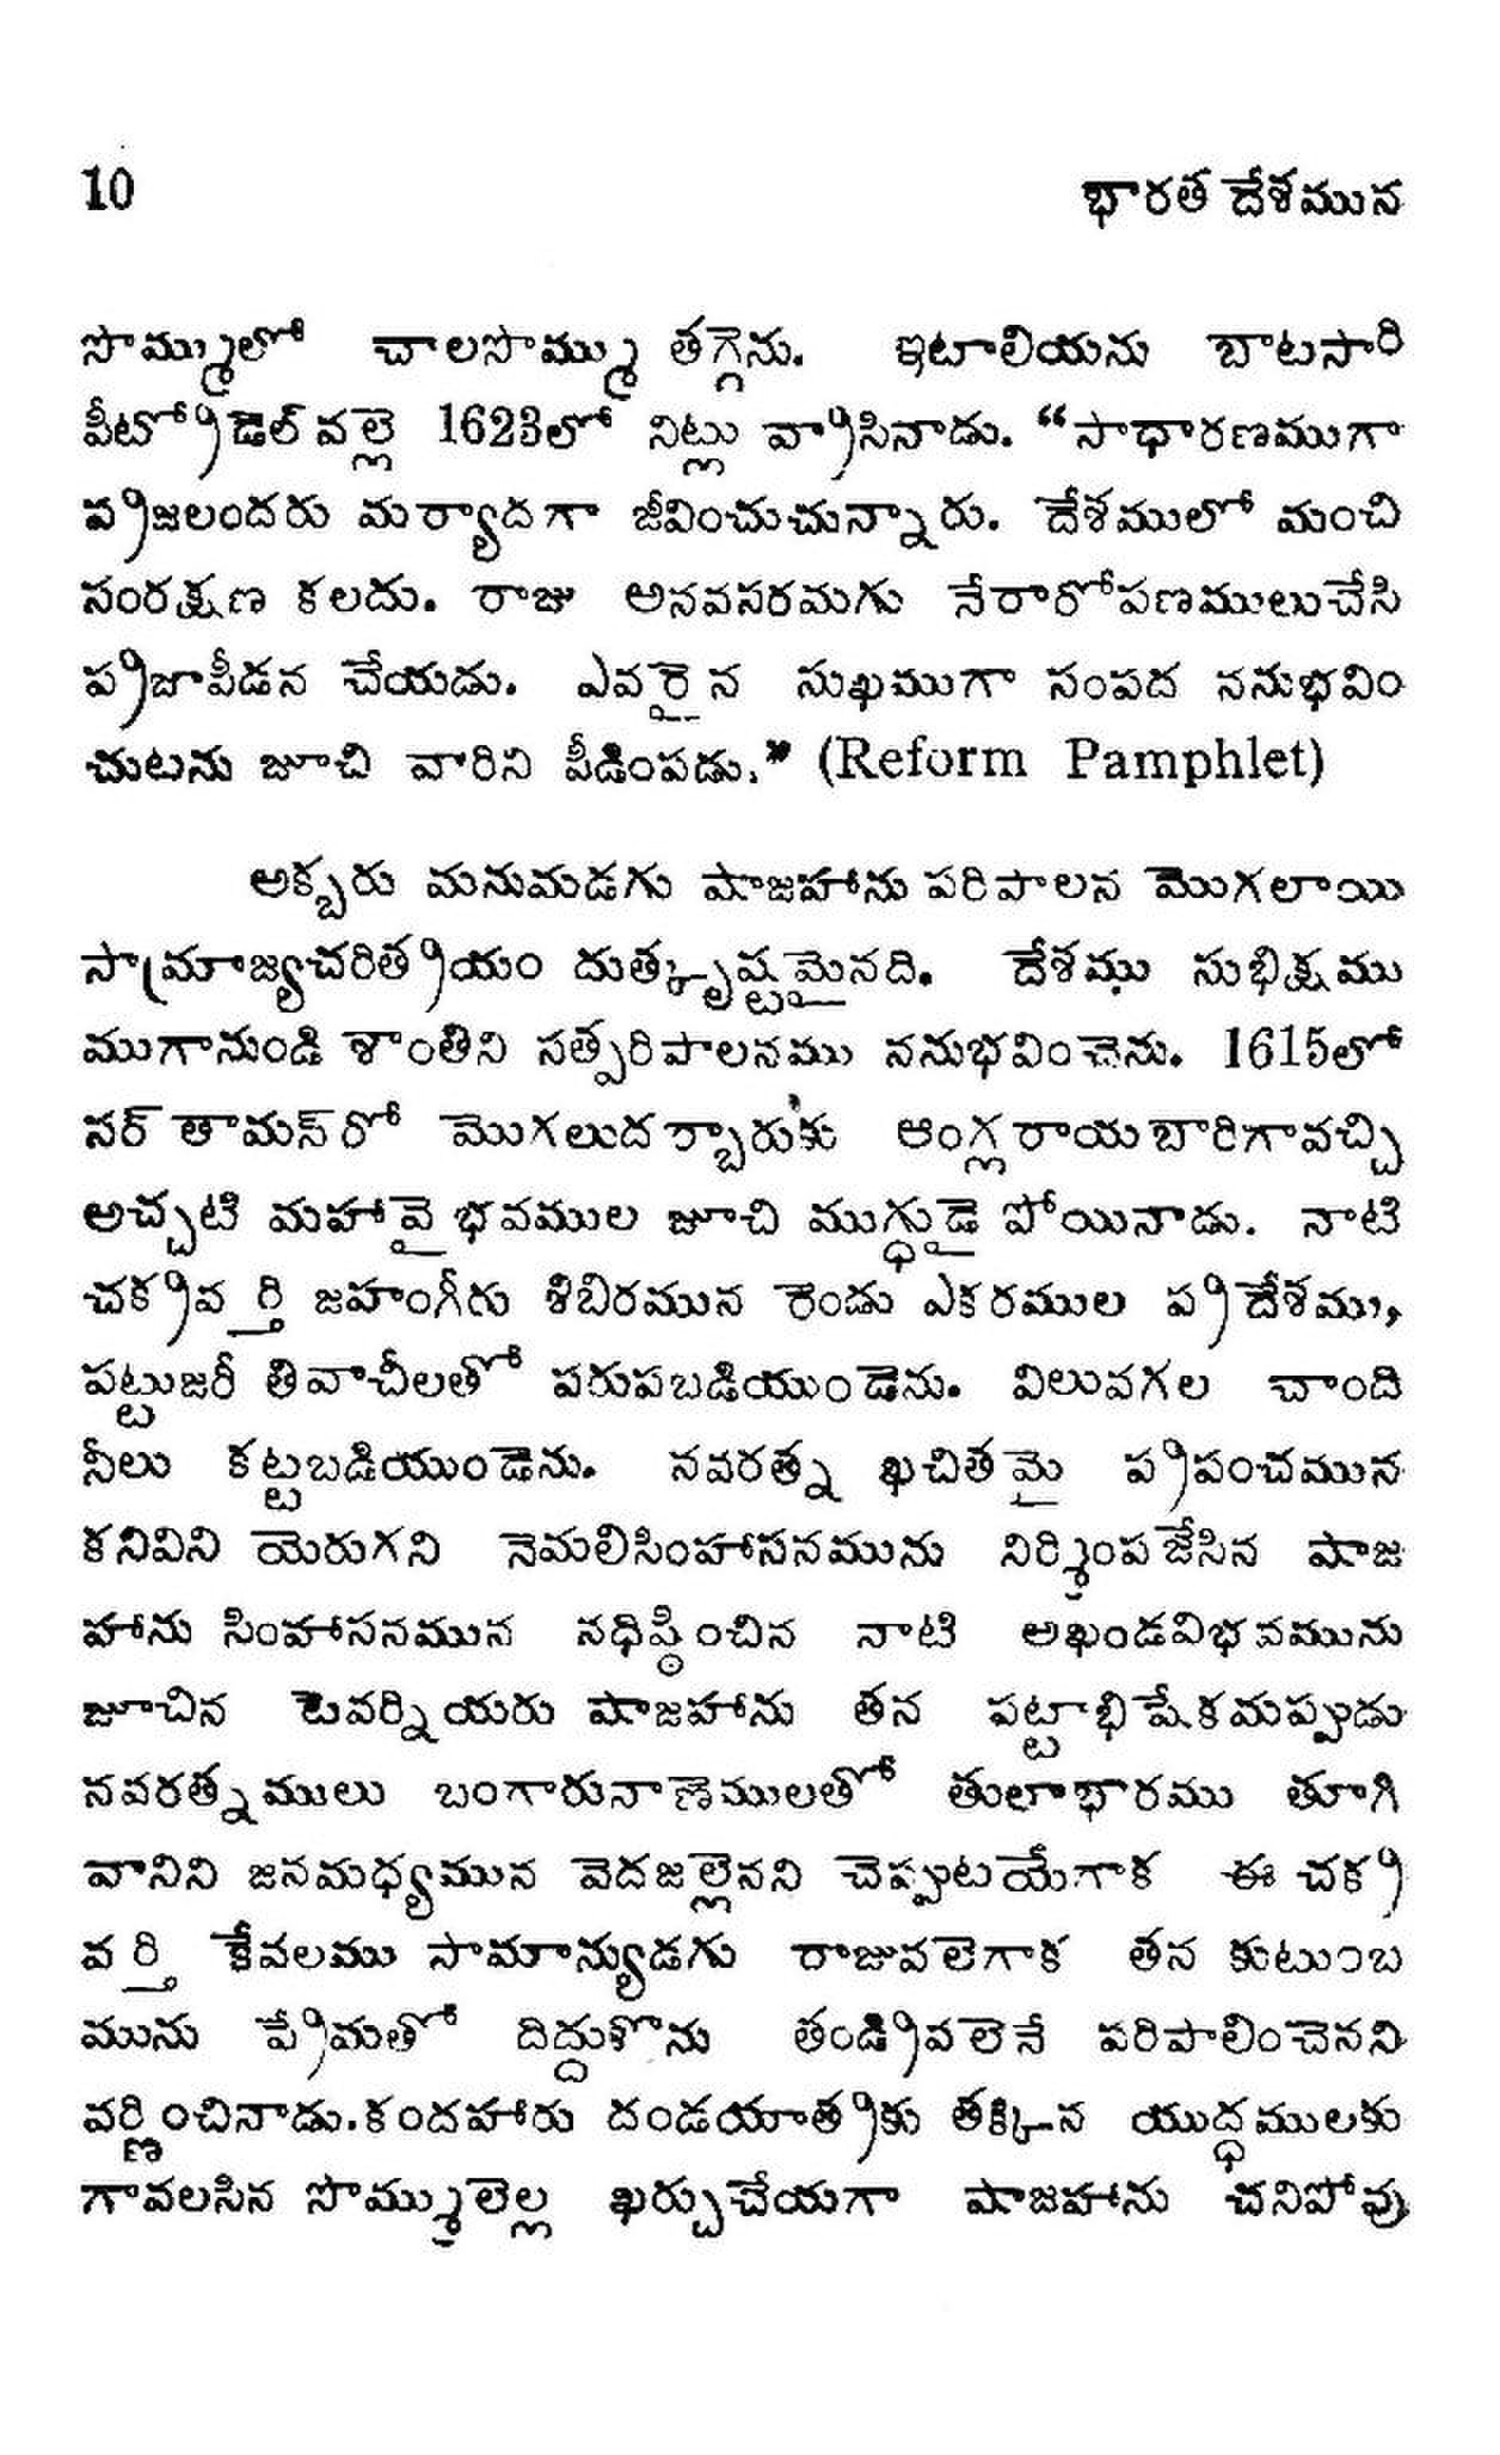సొమ్ములో చాలసొమ్ము తగ్గెను. ఇటాలియను బాటసారి పీట్రోడెల్ వల్లె 1623లో నిట్లు వ్రాసినాడు. “సాధారణముగా ప్రజలందరు మర్యాదగా జీవించుచున్నారు. దేశములో మంచి సంరక్షణ కలదు. రాజు అనవసరమగు నేరారోపణములుచేసి ప్రజాపీడన చేయడు. ఎవరైన సుఖముగా సంపద ననుభవించుటను జూచి వారిని పీడింపడు.” (Reform Pamphlet)

అక్బరు మనుమడగు షాజహాను పరిపాలన మొగలాయి సామ్రాజ్యచరిత్రయం దుత్కృష్టమైనది. దేశము సుభిక్షముముగానుండి శాంతిని సత్పరిపాలనము ననుభవించెను. 1615లో సర్‌తామన్‌రో మొగలుదర్బారుకు ఆంగ్లరాయబారిగావచ్చి అచ్చటి మహావైభవముల జూచి ముగ్ధుడై పోయినాడు. నాటి చక్రవర్తి జహంగీరు శిబిరమున రెండు ఎకరముల ప్రదేశము, పట్టుజరీ తివాచీలతో పరుపబడియుండెను. విలువగల చాందినీలు కట్టబడియుండెను. నవరత్న ఖచితమై ప్రపంచమున కనివిని యెరుగని నెమలిసింహాసనమును నిర్మింపజేసిన షాజుహాను సింహాసనమున నధిష్ఠించిన నాటి అఖండవిభవమును జూచిన టెవర్నియరు షాజహాను తన పట్టాభిషేకమప్పుడు నవరత్నములు బంగారునాణెములతో తులాభారము తూగి వానిని జనమధ్యమున వెదజల్లెనని చెప్పుటయేగాక ఈ చక్రవర్తి కేవలము సామాన్యుడగు రాజువలెగాక తన కుటుంబమును ప్రేమతో దిద్దుకొను తండ్రివలెనే పరిపాలించెనని వర్ణించినాడు. కందహారు దండయాత్రకు తక్కిన యుద్ధములకు గావలసిన సొమ్ములెల్ల ఖర్చుచేయగా షాజహాను చనిపోవు